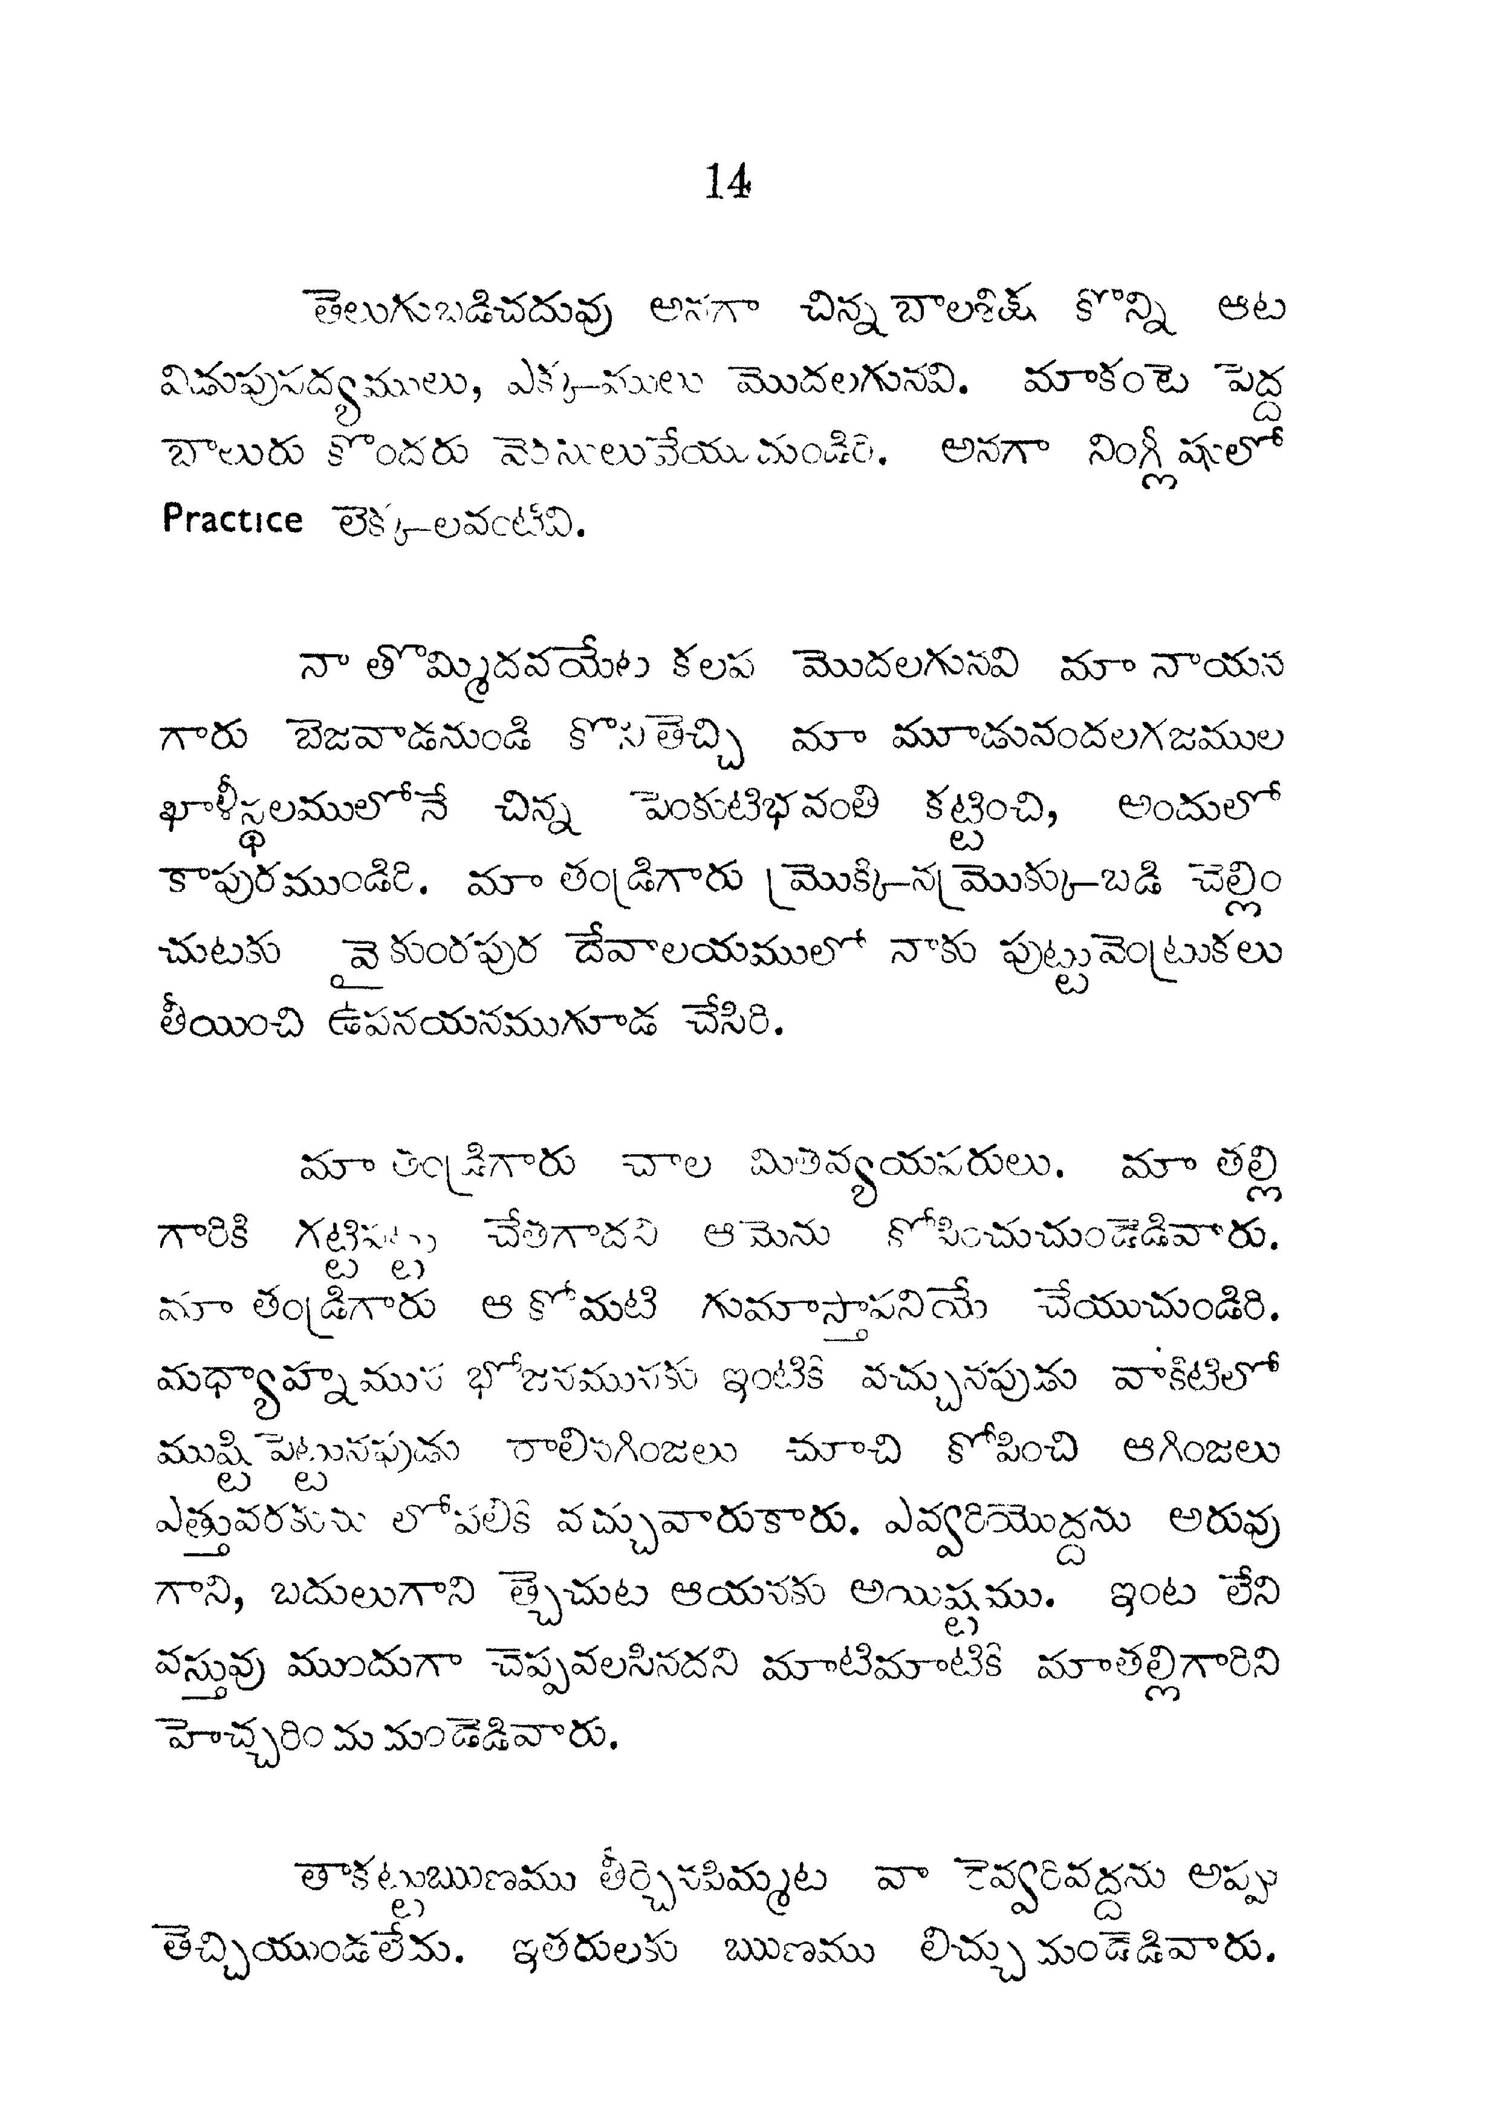తెలుగుబడిచదువు అనగా చిన్నబాలశిక్ష కొన్ని ఆట విడుపుపద్యములు, ఎక్కములు మొదలగునవి. మాకంటె పెద్దబాలురు కొందరు వెరసులువేయుచుండిరి. అనగా నింగ్లీషులో practice లెక్కలవంటివి. 

నా తొమ్మిదవయేట కలప మొదలగునవి మా నాయనగారు బెజవాడనుండి కొనితెచ్చి మా మూడువందలగజముల ఖాళీస్థలములోనే చిన్న పెంకుటిభవంతి కట్టించి, అందులో కాపురముండిరి. మా తండ్రిగారు మ్రొక్కినమ్రొక్కుబడి చెల్లించుటకు వైకుంఠపుర దేవాలయములో నాకు పుట్టువెంట్రుకలు తీయించి ఉపనయనముగూడ చేసిరి.

మా తండ్రిగారు చాల మితవ్యయపరులు. మా తల్లిగారికి గట్టిపట్టు చేతగాదని ఆమెను కోపించుచుండెడివారు. మా తండ్రిగారు ఆకోమటి గుమాస్తాపనియే చేయుచుండిరి. మధ్యాహ్నమున భోజనమునకు ఇంటికి వచ్చునపుడు వాకిటిలో ముష్టిపెట్టునపుడు రాలినగింజలు చూచి కోపించి ఆగింజలు ఎత్తువరకును లోపలికి వచ్చువారుకారు. ఎవ్వరియొద్దను అరువుగాని, బదులుగాని త్చెచుట ఆయనకు అయిష్టము. ఇంట లేనివస్తువు ముందుగా చెప్పవలసినదని మాటిమాటికి మాతల్లిగారిని హెచ్చరించుచుండెడివారు.

తాకట్టుఋణము తీర్చినపిమ్మట వా రెవ్వరివద్దను అప్పుతెచ్చియుండలేదు. ఇతరులకు ఋణము లిచ్చుచుండెడివారు.